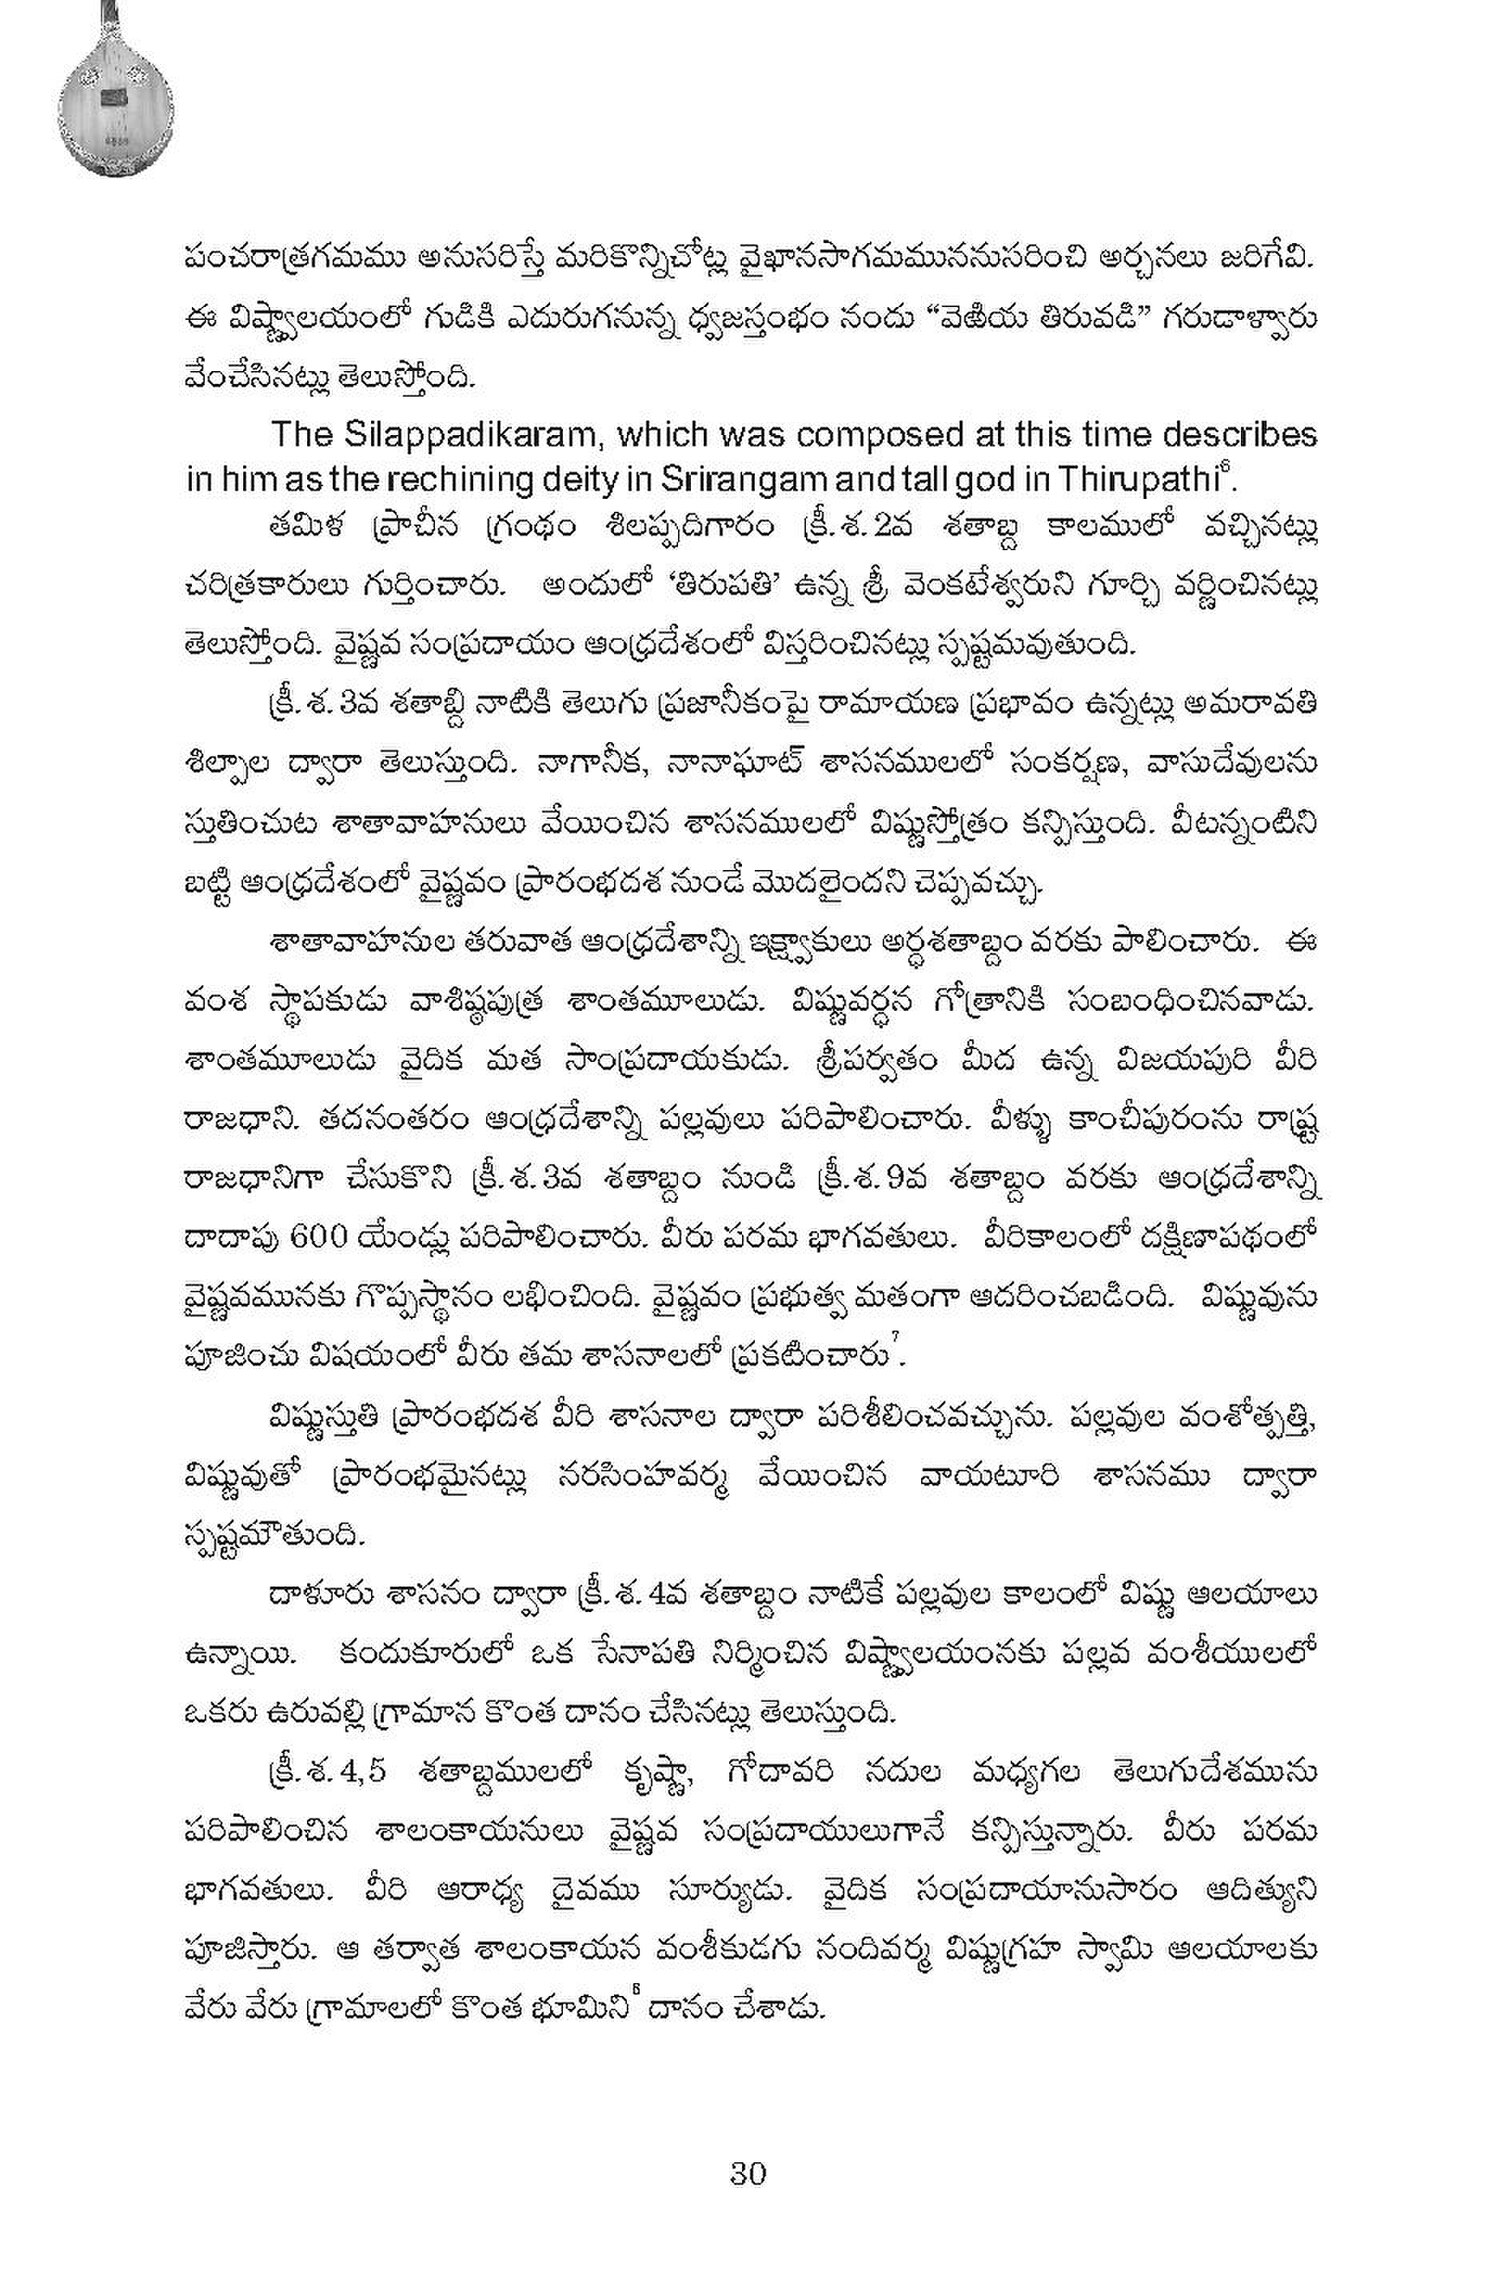పంచరాత్రగమము అనుసరిస్తే మరికొన్నిచోట్ల వైఖానసాగమముననుసరించి అర్చనలు జరిగేవి. ఈ విష్ణ్వాలయంలో గుడికి ఎదురుగనున్న ధ్వజస్తంభం నందు “వెఱియ తిరువడి" గరుడాళ్వారు వేంచేసినట్లు తెలుస్తోంది.

The Silappadikaram, which was composed at this time describes in him as the rechining deity in Srirangam and tall god in Thirupathi .6

తమిళ ప్రాచీన గ్రంథం శిలప్పదిగారం క్రీ.శ. 2వ శతాబ్ద కాలములో వచ్చినట్లు చరిత్రకారులు గుర్తించారు. అందులో 'తిరుపతి' ఉన్న శ్రీ వెంకటేశ్వరుని గూర్చి వర్ణించినట్లు తెలుస్తోంది. వైష్ణవ సంప్రదాయం ఆంధ్రదేశంలో విస్తరించినట్లు స్పష్టమవుతుంది.

క్రీ.శ. 3వ శతాబ్ది నాటికి తెలుగు ప్రజానీకంపై రామాయణ ప్రభావం ఉన్నట్లు అమరావతి శిల్పాల ద్వారా తెలుస్తుంది. నాగానిక, నానాఘాట్ శాసనములలో సంకర్షణ, వాసుదేవులను స్తుతించుట శాతావాహనులు వేయించిన శాసనములలో విష్ణుస్తోత్రం కన్పిస్తుంది. వీటన్నంటిని బట్టి ఆంధ్రదేశంలో వైష్ణవం ప్రారంభదశ నుండే మొదలైందని చెప్పవచ్చు.

శాతావాహనుల తరువాత ఆంధ్రదేశాన్ని ఇక్ష్వాకులు అర్ధశతాబ్దం వరకు పాలించారు. ఈ వంశ స్థాపకుడు వాశిష్ఠపుత్ర శాంతమూలుడు. విష్ణువర్ధన గోత్రానికి సంబంధించినవాడు. శాంతమూలుడు వైదిక మత సాంప్రదాయకుడు. శ్రీపర్వతం మీద ఉన్న విజయపురి వీరి రాజధాని. తదనంతరం ఆంధ్రదేశాన్ని పల్లవులు పరిపాలించారు. వీళ్ళు కాంచీపురంను రాష్ట్ర
రాజధానిగా చేసుకొని క్రీ.శ. 3వ శతాబ్దం నుండి క్రీ.శ. 9వ శతాబ్దం వరకు ఆంధ్రదేశాన్ని దాదాపు 600 యేండ్లు పరిపాలించారు. వీరు పరమ భాగవతులు. వీరికాలంలో దక్షిణాపథంలో వైష్ణవమునకు గొప్పస్థానం లభించింది. వైష్ణవం ప్రభుత్వ మతంగా ఆదరించబడింది. విష్ణువును పూజించు విషయంలో వీరు తమ శాసనాలలో ప్రకటించారు7.

విష్ణుస్తుతి ప్రారంభదశ వీరి శాసనాల ద్వారా పరిశీలించవచ్చును. పల్లవుల వంశోత్పత్తి, విష్ణువుతో ప్రారంభమైనట్లు నరసింహవర్మ వేయించిన వాయటూరి శాసనము ద్వారా స్పష్టమౌతుంది.

దాళూరు శాసనం ద్వారా క్రీ.శ. 4వ శతాబ్దం నాటికే పల్లవుల కాలంలో విష్ణు ఆలయాలు ఉన్నాయి. కందుకూరులో ఒక సేనాపతి నిర్మించిన విష్ణ్వాలయంనకు పల్లవ వంశీయులలో ఒకరు ఉరువల్లి గ్రామాన కొంత దానం చేసినట్లు తెలుస్తుంది.

క్రీ.శ.4,5 శతాబ్దములలో కృష్ణా, గోదావరి నదుల మధ్యగల తెలుగుదేశమును పరిపాలించిన శాలంకాయనులు వైష్ణవ సంప్రదాయులుగానే కన్పిస్తున్నారు. వీరు పరమ భాగవతులు. వీరి ఆరాధ్య దైవము సూర్యుడు. వైదిక సంప్రదాయానుసారం ఆదిత్యుని పూజిస్తారు. ఆ తర్వాత శాలంకాయన వంశీకుడగు నందివర్మ విష్ణుగ్రహ స్వామి ఆలయాలకు వేరు వేరు గ్రామాలలో కొంత భూమిని దానం చేశాడు.